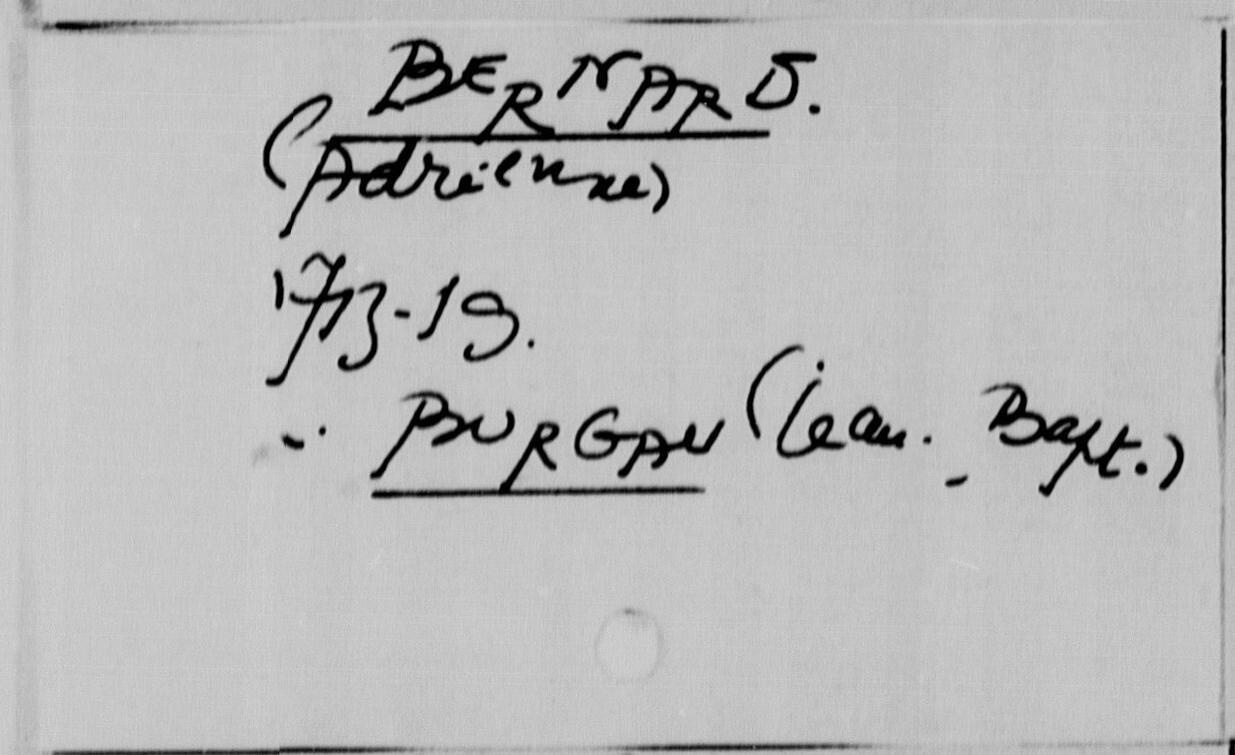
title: BERNARD (Adrienne)
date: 1713-1719
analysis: Voir : BURGAU (Jean-Baptiste)
